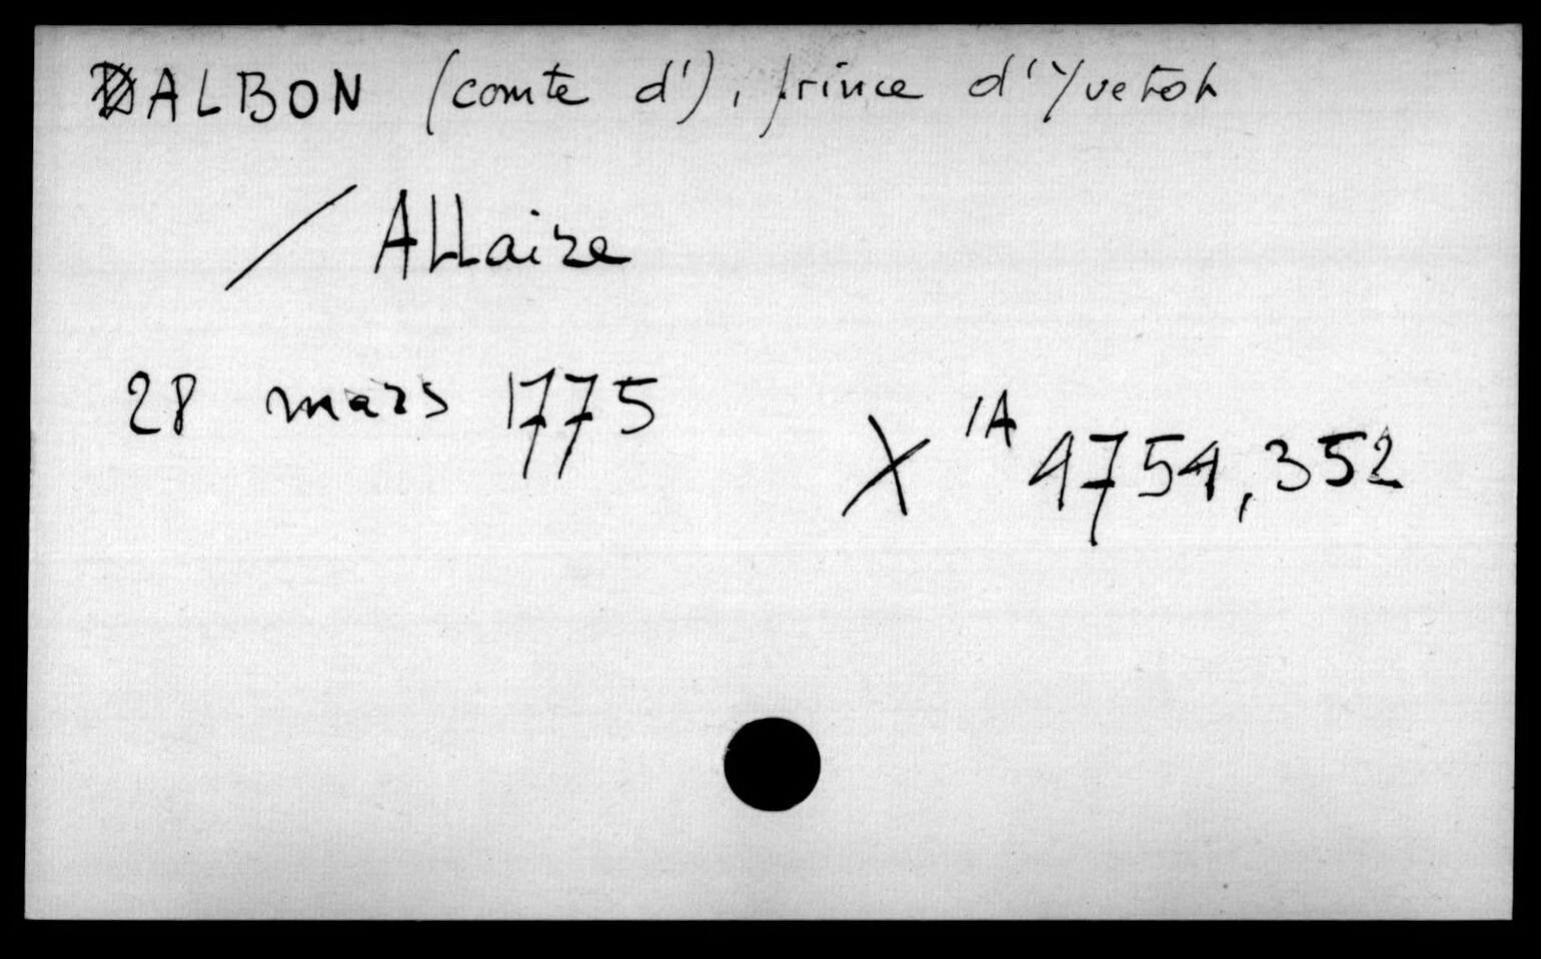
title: ALBON (comte d'), prince d'Yvetoh
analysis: Contre Allaire
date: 28 mars 1775
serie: X1A
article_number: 4754
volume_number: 352
